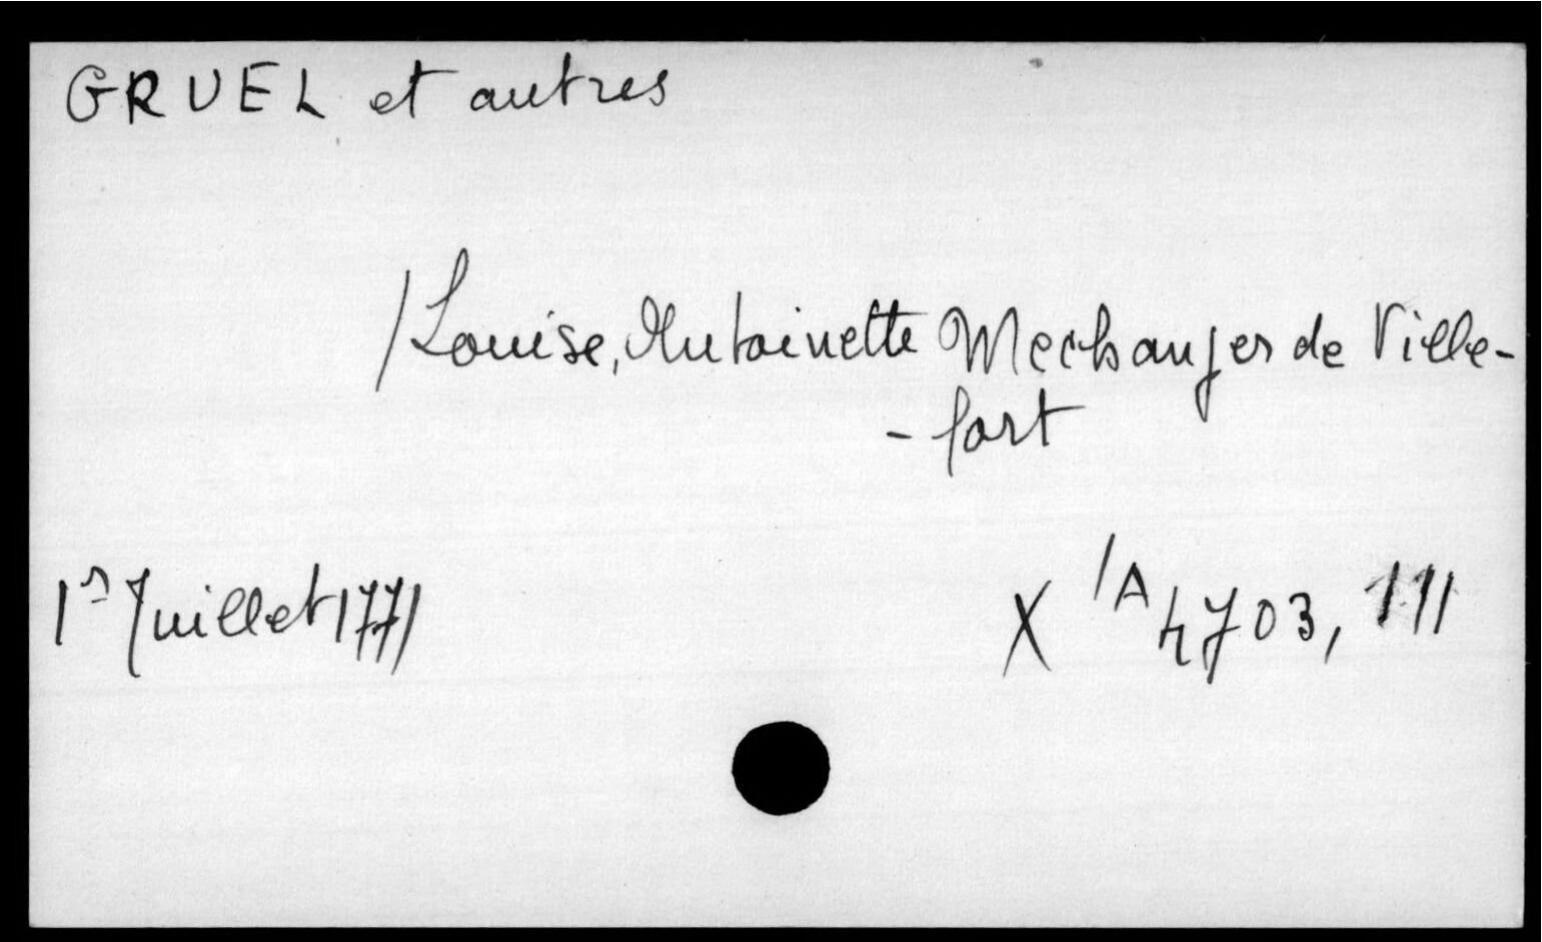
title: GRUEL et autres
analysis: Contre Louise Antoinette Mechanger de Villefort
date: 1er juillet 1771
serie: X1A
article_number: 4703
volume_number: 111
